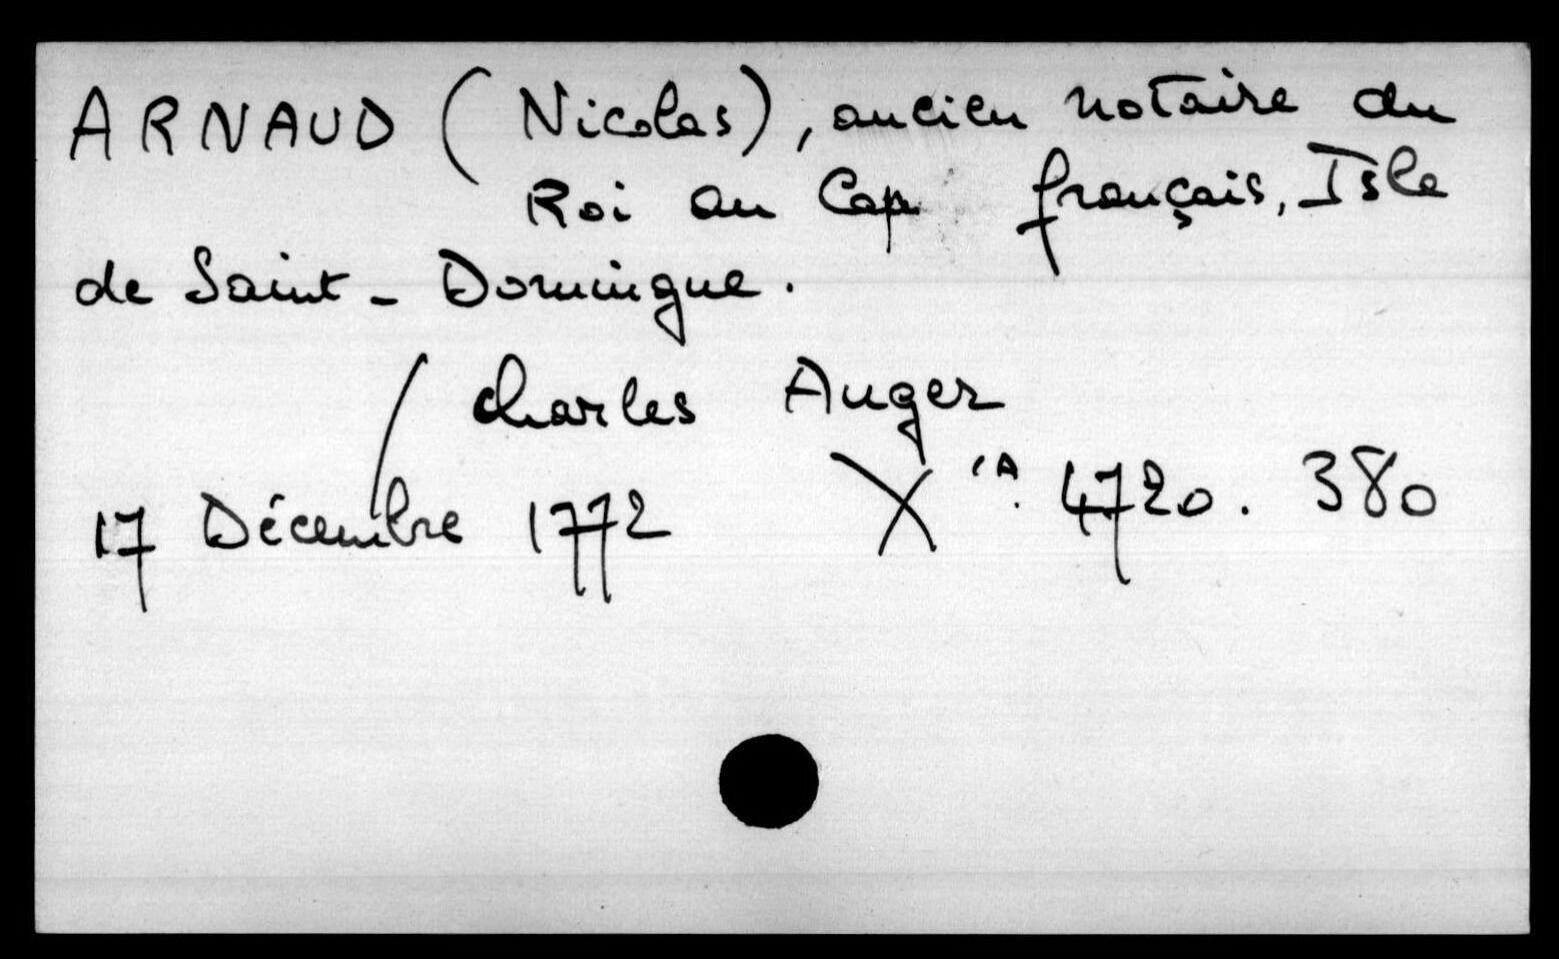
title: ARNAUD (Nicolas), ancien notaire du Roi au Cap françois, Isle de Saint-Domingue
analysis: Contre Charles Auger
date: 17 décembre 1772
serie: X1A
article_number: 4720
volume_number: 380
